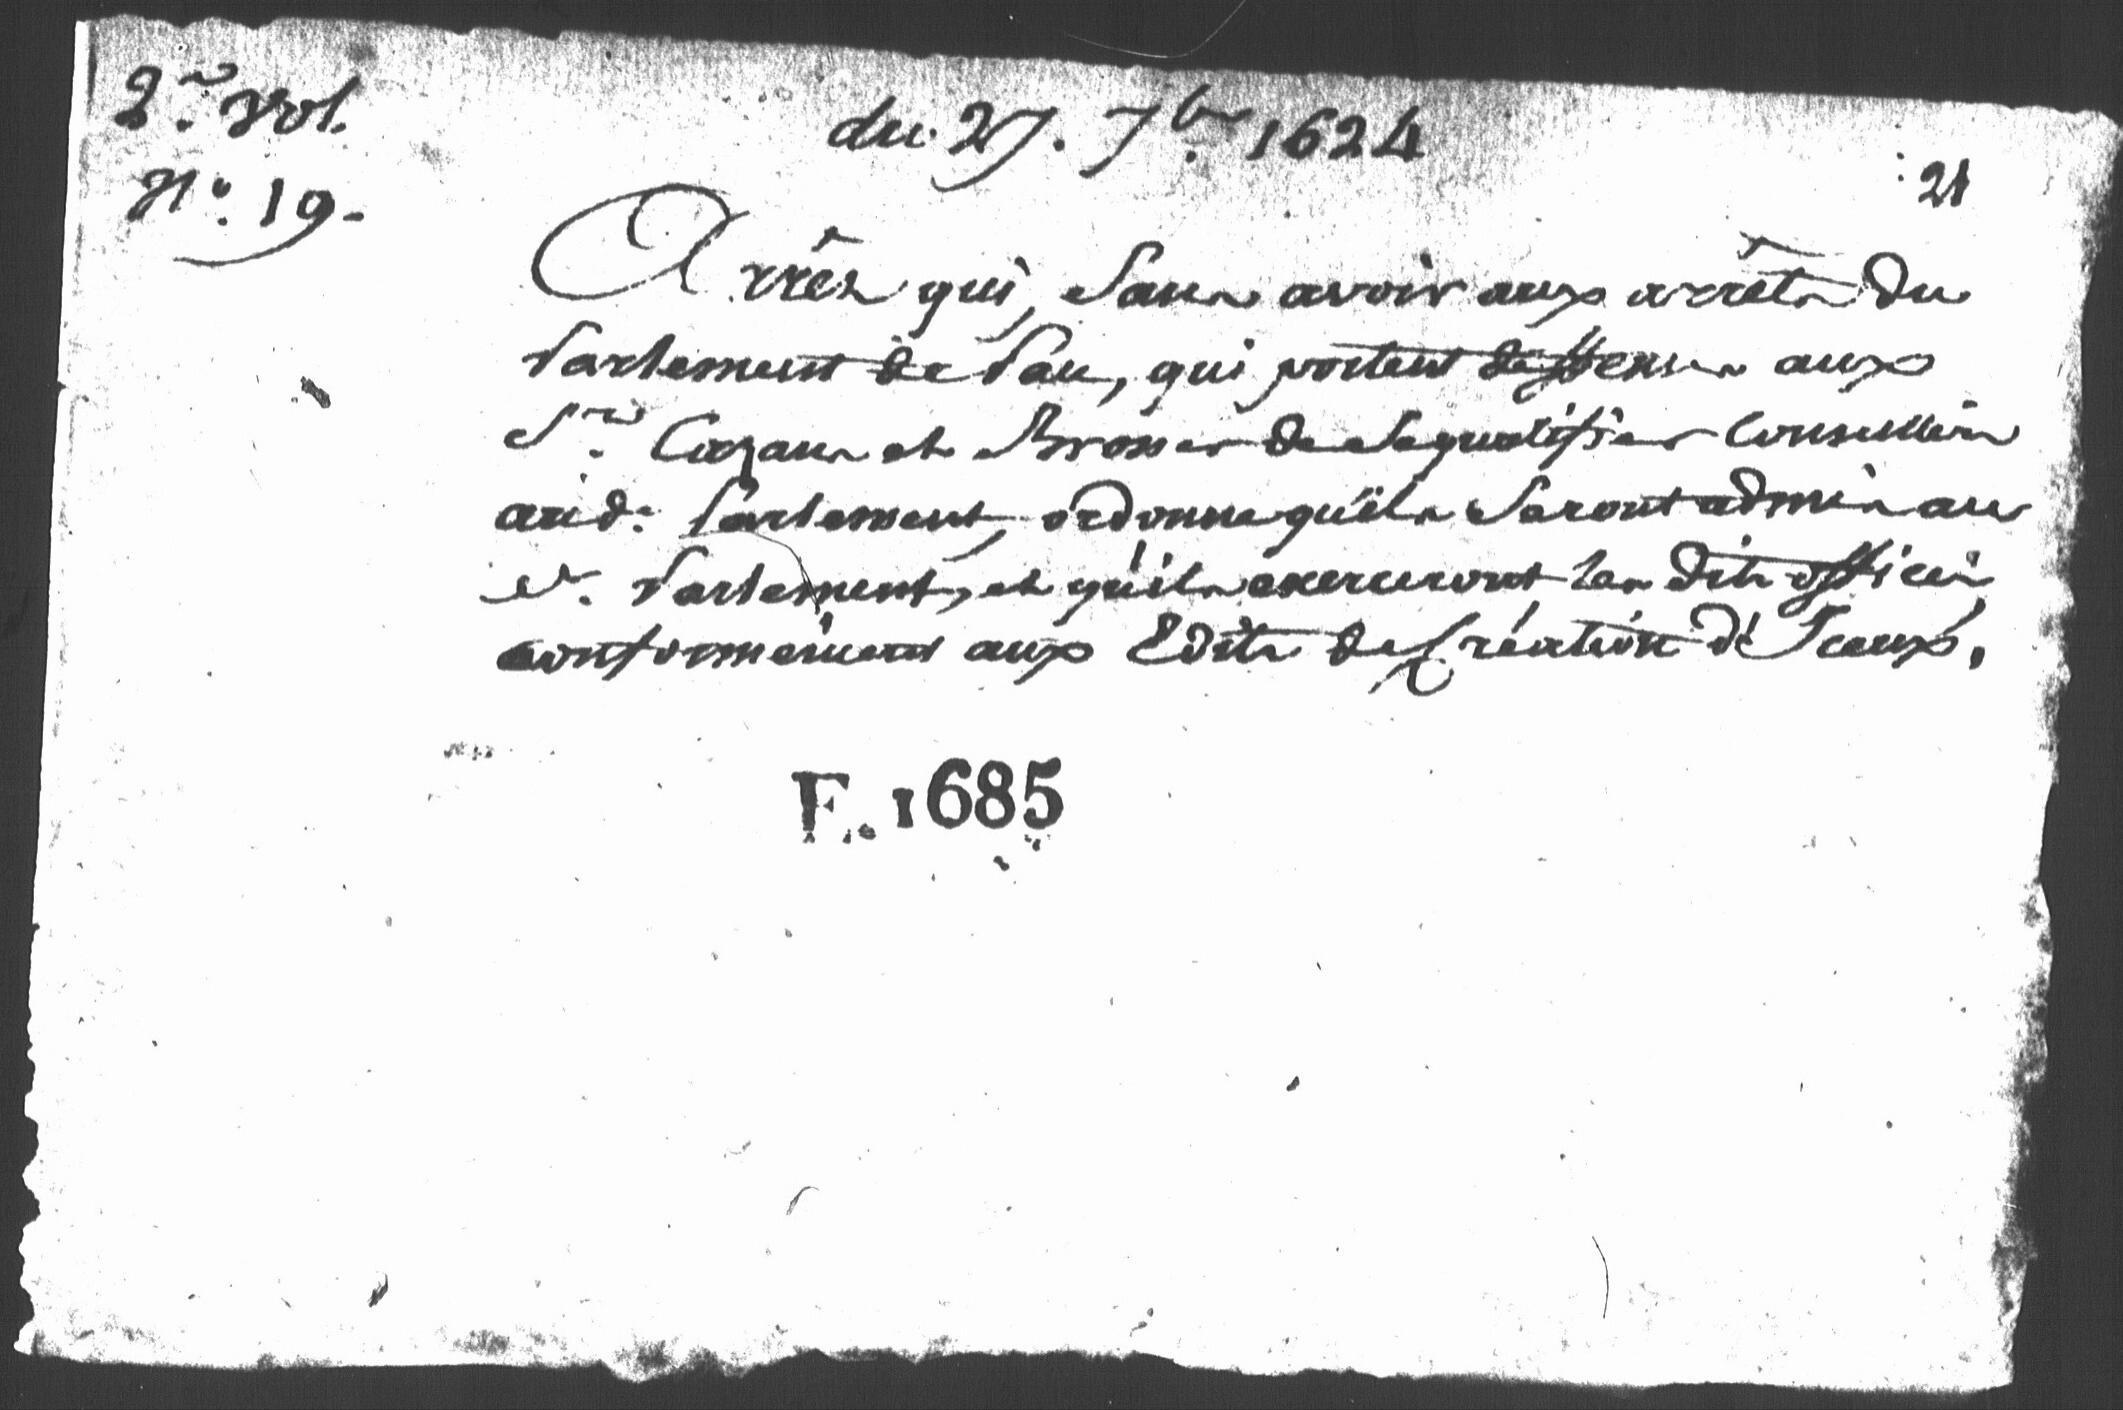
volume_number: n°19
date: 27 septembre 1624
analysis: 21
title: Arrêt qui, sans avoir [égard] aux arrêts du Parlement de Pau, qui portent deffenses aux S.rs Cazan et Brosser de se qualifier conseillers aud. Parlement, ordonne qu'ils seront admis au d. Parlement, et qu'ils exerceront les dits offices conformément aux Edits de création d'iceux.
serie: E
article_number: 1685
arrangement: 2e vol.
